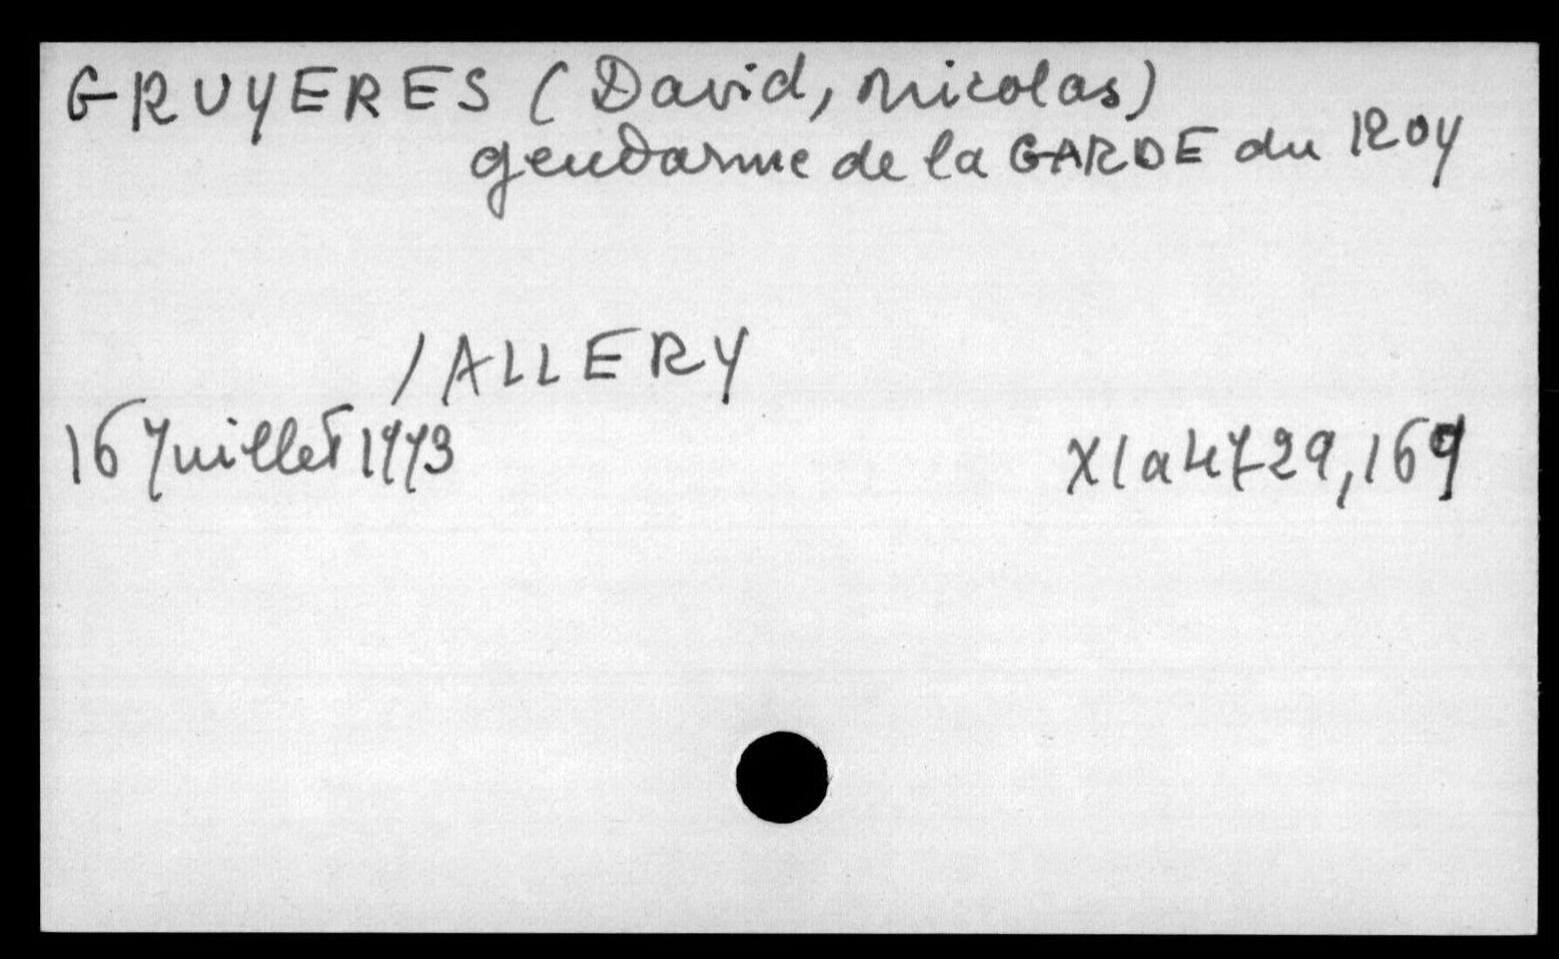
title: GRUYERES (David Nicolas), gendarme de la Garde du roi
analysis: Contre ALLERY
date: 16 juillet 1773
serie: X1a
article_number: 4729
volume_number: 169
